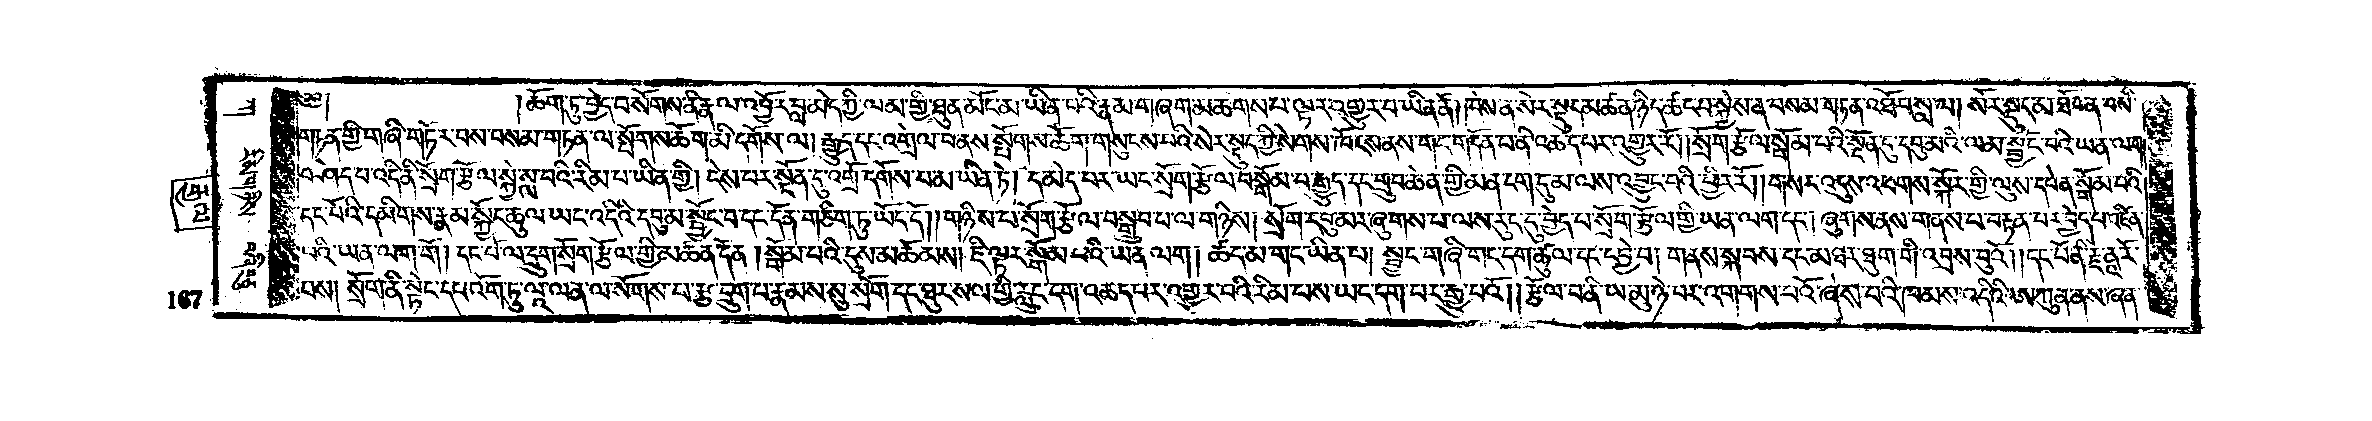༄༅། །ཆོག་ཏུ་བྱེད་པ་སོགས་ནི་རྣལ་འབྱོར་བླ་མེད་ཀྱི་ལམ་གྱི་ཐུན་མོང་མ་ཡིན་པའི་རྣམ་གཞག་མ་ཆགས་པ་ལྟར་འགྱུར་བ་ཡིན་ནོ། །ཁེས་ན་སེར་སྡུད་མཚན་ཉིད་ཚང་བ་སྐྱེས་ན་བསམ་གཏན་འཐོབ་སླ་ལ། སོར་སྡུད་མ་ཐོབ་ན་བསམ་
གཏན་གྱི་གཞི་གཏོར་བས་བསམ་གཏན་ལ་སྤོགས་ཆོག་མི་དགོས་ལ། རྒྱུད་དང་འགྲེལ་པ་ནས་སྤོགས་ཆོག་གསུངས་པའི་སེར་སྡུད་ཀྱི་སེགས་ཁོངས་ནས་གང་གདོན་པ་ནི་འཆད་པར་འགྱུར་རོ། །སྲོག་རྩོལ་སྒོམ་པའི་སྔོན་དུ་དབུ་མའི་ལམ་སྦྱོང་བའི་ཡན་ལག་
བཤེད་པ་འདི་ནི་སྲོག་རྩོལ་སྐྱེ་སླ་བའི་རིམ་པ་ཡིན་གྱི། ངེས་པར་སྔོན་དུ་འགྲོ་དགོས་པ་མ་ཡིན་ཏེ། དེ་མེད་པར་ཡང་སྲོག་རྩོལ་བསྒོམ་པ་རྒྱུད་དང་གྲུབ་ཆེན་གྱི་མན་ངག་དུ་མ་ལས་འབྱུང་བའི་ཕྱིར་རོ། །གསང་འདུས་འཕགས་སྐོར་གྱི་ལུས་དབེན་སྒོམ་པའི་
དང་པོའི་དམིགས་རྣམ་སྐྱོང་ཚུལ་ཡང་འདིའི་དབུ་མ་སྦྱོང་བ་དང་དོན་གཅིག་ཏུ་ཡོད་དོ། །གཉིས་པ་སྲོག་རྩོལ་བསྒྲུབ་པ་ལ་གཉིས། སྲོག་དབུ་མར་ཞུགས་པ་ལས་རུང་དུ་བྱེད་པ་སྲོག་རྩོལ་གྱི་ཡན་ལག་དང་། ཞུགས་ནས་གནས་པ་བརྟན་པར་བྱེད་པ་འཛིན་
པའི་ཡན་ལག་གོ །དང་པོ་ལ་དྲུག་སྲོག་རྩོལ་གྱི་མཚན་དོན། སྒོམ་པའི་དུས་མཚོམས། ཇི་ལྟར་སྒོམ་པའི་ཡན་ལག །ཚད་མ་གང་ཡིན་པ། སྦྱང་གཞི་གང་དག་ཚུལ་དང་དབྱེ་བ། གནས་སྐབས་དང་མཐར་ཐུག་གི་འབྲས་བུའོ། །དང་པོ་ནི་རྗེ་ནཱ་རོ་
པས། སྲོག་ནི་སྟེང་དཔའ་འོག་ཏུ་ལཱ་ལན་ལ་སོགས་པ་རྩ་དྲུག་པ་རྣམས་སུ་སྲོག་དང་ཐུར་སལ་གྱི་རླུང་དག་འཆད་པར་འགྱུར་བའི་རིམ་པས་ཡང་དག་པར་རྒྱུ་བའོ། །རྩོལ་བ་ནི་ཡ་མུ་ཉེ་བར་འགགས་པའོ་ཞེས་པའི་ཁམས་འདིའི་ཨ་ཀུན་ནས་ཞན་